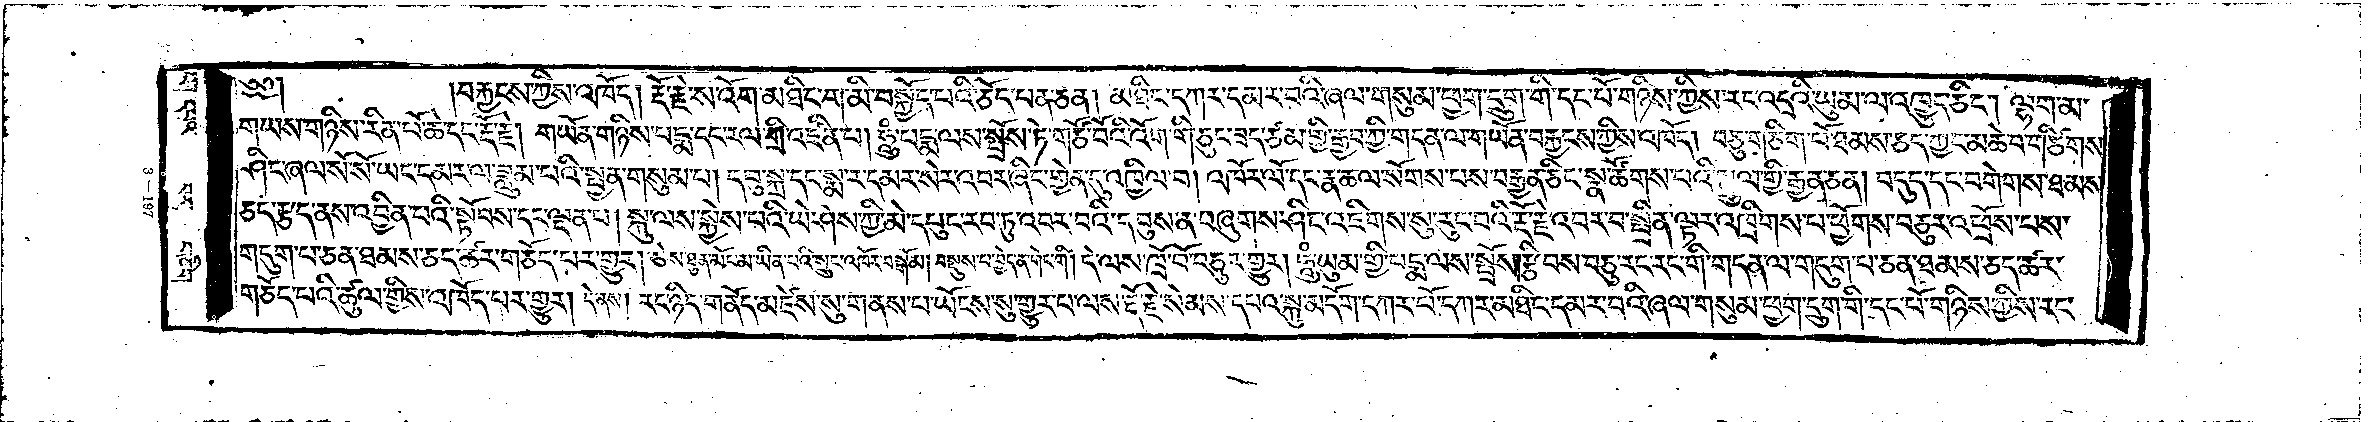༄༅། །བརྐྱངས་ཀྱིས་འཁོད། རྡོ་རྗེ་ས་འོག་མཐིང་ག་མི་བསྐྱོད་པའི་ཅོད་པན་ཅན། མཐིང་དཀར་དམར་བའི་ཞལ་གསུམ་ཕྱག་དྲུག་གི་དང་པོ་གཉིས་ཀྱིས་རང་འདྲའི་ཡུམ་ལ་འཁྱུད་ཅིང་། ལྷག་མ་
གཡས་གཉིས་རིན་པོ་ཆེ་དང་རྡོ་རྗེ། གཡོན་གཉིས་པདམ་དང་རལ་གྲི་འཛིན་པ། ཧཱུཾ་པདམ་ལས་སྤྲོས་ཏེ་གཙོ་བོའི་འོག་གི་ཅུང་ཟད་ཙམ་གྱི་རྒྱབ་ཀྱི་གདན་ལ་གཡོན་བརྐྱངས་ཀྱིས་འཁོད། བཅུ་གཅིག་པོ་ཐམས་ཅད་ཀྱང་མཆེ་བ་གཙིགས་
ཤིང་ཞལ་སོ་སོ་ཡང་དམར་ལ་ཟླུམ་པའི་སྤྱན་གསུམ་པ། དབུ་སྐྲ་དང་སྨར་དམར་སེར་འབར་ཞིང་གྱེན་དུ་འཁྱིལ་བ། འཁོར་ལོ་དང་རྣ་ཆ་ལ་སོགས་པས་བརྒྱན་ཅིང་སྣ་ཚོགས་པའི་སྤྲུལ་གྱི་རྒྱན་ཅན། བདུད་དང་བགེགས་ཐམས་
ཅད་རྩད་ནས་འབྱིན་པའི་སྟོབས་དང་ལྡན་པ། སྐུ་ལས་སྐྱེས་པའི་ཡེ་ཤེས་ཀྱི་མེ་དཔུང་རབ་ཏུ་འབར་བའི་དབུས་ན་བཞུགས་ཤིང་འཇིགས་སུ་རུང་བའི་རྡོ་རྗེ་འབར་བ་སྤྲིན་ལྟར་འཁྲིགས་པ་ཕྱོགས་བཅུར་འཕྲོས་པས་
གདུག་པ་ཅན་ཐམས་ཅད་ཚར་གཅོད་པར་གྱུར། ཅེས་ཐུན་མོང་མ་ཡིན་པའི་སྲུང་འཁོར་བསྒོམ། བསྡུས་པ་བྱེད་ན་གེང་གི།  དེ་ལས་ཁྲོ་བོ་ཆུར་གྱུར། ཧཱུཾ་ཡུམ་གྱི་པདམ་ལས་སྤྲོས་རྩིབས་བཅུ་རང་རང་གི་གདན་ལ་གདུག་པ་ཅན་ཐམས་ཅད་ཚར་
གཅོད་པའི་ཚུལ་གྱིས་འཁོད་པར་གྱུར། དེ་ནས། རང་ཉིད་གནོད་མཛེས་སུ་གནས་པ་ཡོངས་སུ་གྱུར་པ་ལས་རྡོ་རྗེ་སེམས་དཔའ་སྐུ་མདོག་དཀར་པོ་དཀར་མཐིང་དམར་བའི་ཞལ་གསུམ་ཕྱག་དྲུག་གི་དང་པོ་གཉིས་ཀྱིས་རང་